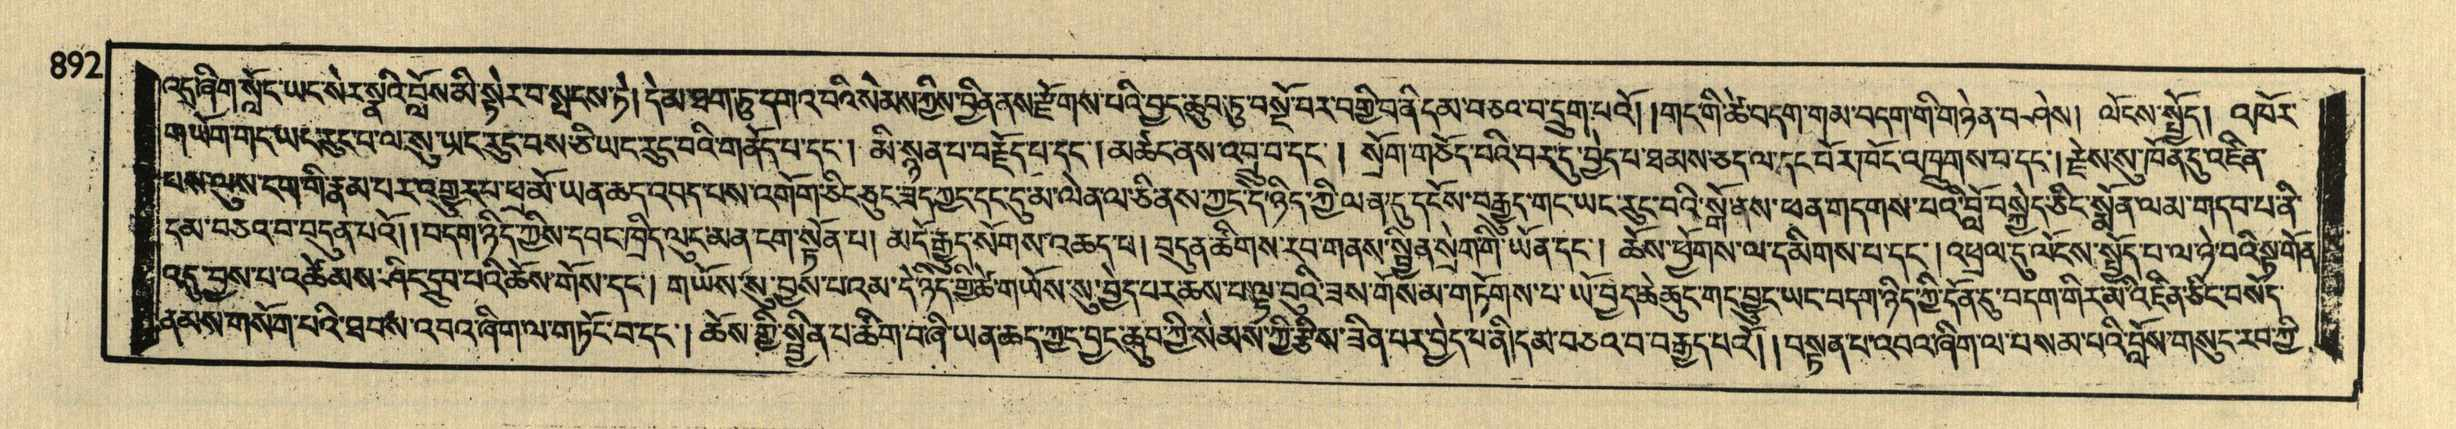འདྲ་ཞིག་སློང་ཡང་སེར་སྣའི་བློས་མི་སྟེར་བ་སྤངས་ཏེ། དེ་མ་ཐག་ཏུ་དགའ་བའི་སེམས་ཀྱིས་བྱིན་ནས་རྫོགས་པའི་བྱང་ཆུབ་ཏུ་བསྔོ་བར་བགྱི་བ་ནི་དམ་བཅའ་བ་དྲུག་པའོ། །གང་གི་ཚེ་བདག་གམ་བདག་གི་གཉེན་བཤེས། ལོངས་སྤྱོད། འཁོར་
གཡོག་གང་ཡང་རུང་པ་ལ་སུ་ཡང་རུང་བས་ཅི་ཡང་རུང་བའི་གནོད་པ་དང་། མི་སྙན་པ་བརྗོད་པ་དང་། མཚང་ནས་འབྲུ་བ་དང་། སྲོག་གཅོད་པའི་བར་དུ་བྱེད་པ་ཐམས་ཅད་ལ་དང་པོར་ཁོང་འཁྲུགས་པ་དང་། རྗེས་སུ་ཁོན་དུ་འཛིན་
པས་ལུས་ངག་གི་རྣམ་པར་འགྱུར་པ་ཕྲ་མོ་ཡན་ཆད་འབད་པས་འགོག་ཅིང་ཅུང་ཟད་ཀྱང་དང་དུ་མ་ལེན་ལ་ཅི་ནས་ཀྱང་དེ་ཉིད་ཀྱི་ལན་དུ་དངོས་བརྒྱུད་གང་ཡང་རུང་བའི་སྒོ་ནས་ཕན་གདགས་པའི་བློ་བསྐྱེད་ཅིང་སྨོན་ལམ་གདབ་པ་ནི་
དམ་བཅའ་བ་བདུན་པའོ། །བདག་ཉིད་ཀྱིས་དབང་ཁྲིད་ལུང་མན་ངག་སྟོན་པ། མདོ་རྒྱུད་སོགས་འཆད་པ། བདུན་ཚིགས་རབ་གནས་སྦྱིན་སྲེག་གི་ཡོན་དང་། ཆོས་ཕྱོགས་ལ་དམིགས་པ་དང་། འཕྲལ་དུ་ལོངས་སྤྱོད་པ་ལ་ཉེ་བའི་སྟ་གོན་
འདུ་བྱས་པ་འཚེམས་ཤིང་དྲུབ་པའི་ཆོས་གོས་དང་། གཡོས་སུ་བྱས་པ་འམ་དེ་ཉིད་གྱི་ཚེ་གཡོས་སུ་བྱེད་པར་ཆས་པ་ལྟ་བུའི་ཟས་གོམས་མ་གཏོགས་པ་ཡོ་བྱད་ཆེ་ཆུང་གང་བྱུང་ཡང་བདག་ཉིད་ཀྱི་དོན་དུ་བདག་གིར་མི་འཛིན་ཅིང་བསོད་
ནམས་གསོག་པའི་ཐབས་འབའ་ཞིག་ལ་གཏོང་བ་དང་། ཆོས་གྱི་སྦྱིན་པ་ཚིག་བཞི་ཡན་ཆད་ཀྱང་བྱང་ཆུབ་ཀྱི་སེམས་ཀྱི་རྩིས་ཟིན་པར་བྱེད་པ་ནི། དམ་བཅའ་བ་བརྒྱད་པའོ། །བསྟན་པ་འབའ་ཞིག་ལ་བསམ་པའི་བློས་གསུང་རབ་ཀྱི་